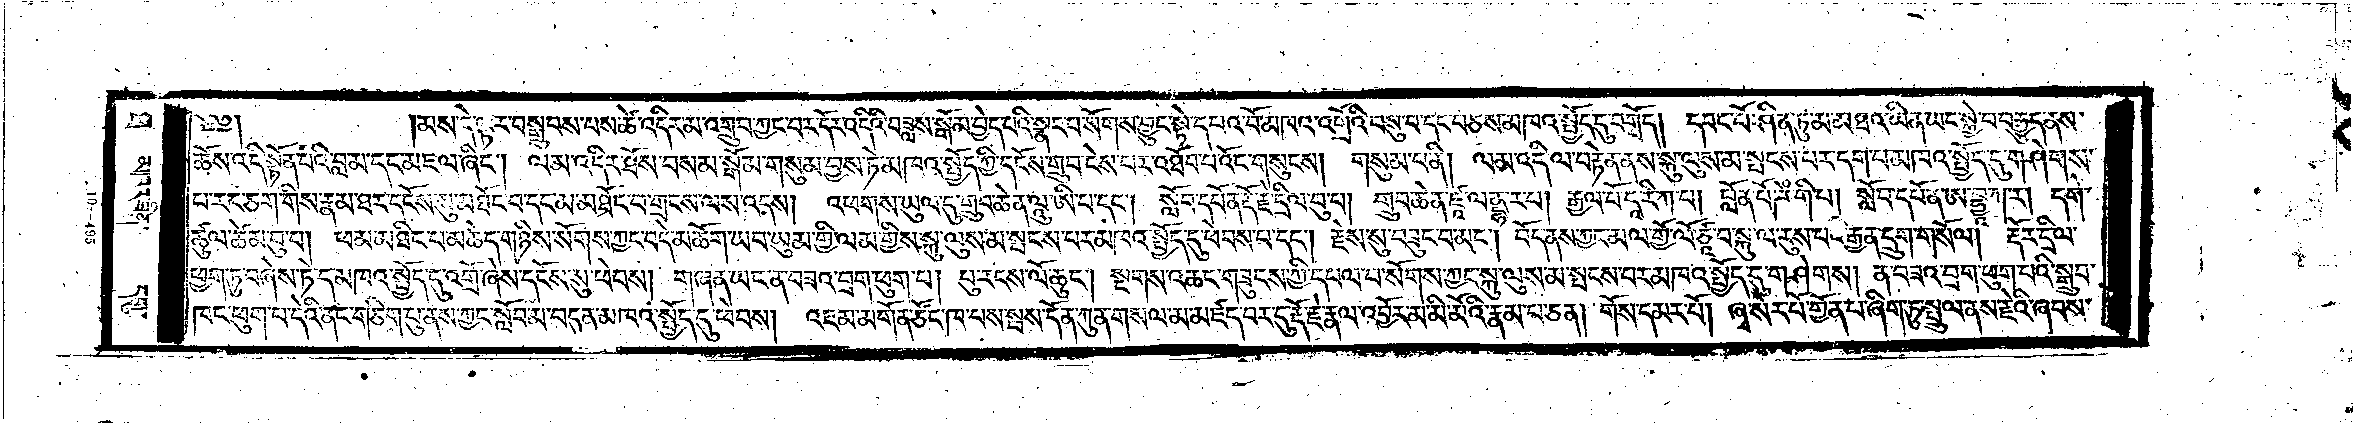༄༅། །མས་དེ་ལྟར་བསྒྲུབས་པས་ཚེ་འདིར་མ་འགྲུབ་ཀྱང་བར་དོར་འདིའི་བཟླས་སྒོམ་བྱེད་པའི་སྣང་བ་སོགས་བྱུང་སྟེ་དཔའ་བོ་མཁའ་འགྲོའི་བསུ་བ་དང་བཅས་མཁའ་སྤྱོད་དུ་བགྲོད། དབང་པོ་ཤིན་ཏུ་མ་མཐའ་ཡིན་ཡང་སྐྱེ་བ་བརྒྱུད་ནས་ཆོས་འདི་སྟོན་པའི་བླ་མ་དང་མཇལ་ཞིང་། ལམ་འདིར་ཐོས་བསམ་སྒོམ་གསུམ་བྱས་ཏེ་མཁའ་སྤྱོད་ཀྱི་དངོས་གྲུབ་ངེས་པར་འཐོབ་པ་འོང་གསུངས། གསུམ་པ་ནི། ལམ་འདི་ལ་བརྟེན་ནས་སྐུ་ལུས་མ་སྤངས་པར་དག་པ་མཁའ་སྤྱོད་དུ་གཤེགས་
པ་རང་ཅག་གིས་རྣམ་ཐར་དངོས་སུ་མཐོང་བ་དང་མ་མཐོང་བ་གྲངས་ལས་འདས། འཕགས་ཡུལ་དུ་གྲུབ་ཆེན་ལཱུ་ཨི་པ་དང་། སློབ་དཔོན་རྡོ་རྗེ་དྲིལ་བུ་བ། གྲུབ་ཆེན་ཛཱ་ལནྡྷ་ར་པ། རྒྱལ་པོ་དཱ་རི་ཀ་པ། བློན་པོ་ཌེཾ་གི་པ། སློབ་དཔོན་ཨ་བྷྱཱ་ཀ་ར། དགེ་
ཚུལ་ཚེམ་བུ་བ། ཕམ་མཐིང་པ་མཆེད་གཉིས་སོགས་ཀྱང་བདེ་མཆོག་ཡབ་ཡུམ་གྱི་ལམ་གྱིས་སྐུ་ལུས་མ་སྤངས་པར་མཁའ་སྤྱོད་དུ་ཕེབས་པ་དང་། རྗེས་སུ་བཟུང་བ་མང་། བོང་ནས་ཀྱང་མལ་གྱོ་ལོ་ཙཱ་བ་སྐུ་ལ་རུས་པའི་རྒྱན་དྲུག་གསོལ། རྡོར་དྲིལ་
ཕྱག་ཏུ་བཞེས་ཏེ་ད་མཁའ་སྤྱོད་དུ་འགྲོ་ཞེས་དངོས་སུ་ཕེབས། གཞན་ཡང་ན་བཟའ་བྲག་ཕུག་བ། བུ་རངས་ལོ་ཆུང་། སྔགས་འཆང་གཟུངས་ཀྱི་དཔལ་བ་སོགས་ཀྱང་སྐུ་ལུས་མ་སྤངས་པར་མཁའ་སྤྱོད་དུ་གཤེགས། ན་བཟའ་བྲག་ཕུག་པའི་སྒྲུབ་
ཁང་ཕུག་པ་དེའི་ནང་གཅིག་པུ་ནས་ཀྱང་སློབ་མ་བདུན་མཁའ་སྤྱོད་དུ་ཕེབས།འཇམ་མགོན་ཙོང་ཁ་པས་སྦས་དོན་ཀུན་གསལ་མ་མཛད་བར་དུ་རྡོ་རྗེ་རྣལ་འབྱོར་མ་མི་མོའི་རྣམ་པ་ཅན། གོས་དམར་པོ། ཞྭ་སེར་པོ་གྱོན་པ་ཞིག་ཏུ་སྤྲུལ་ནས་རྗེའི་ཞབས་